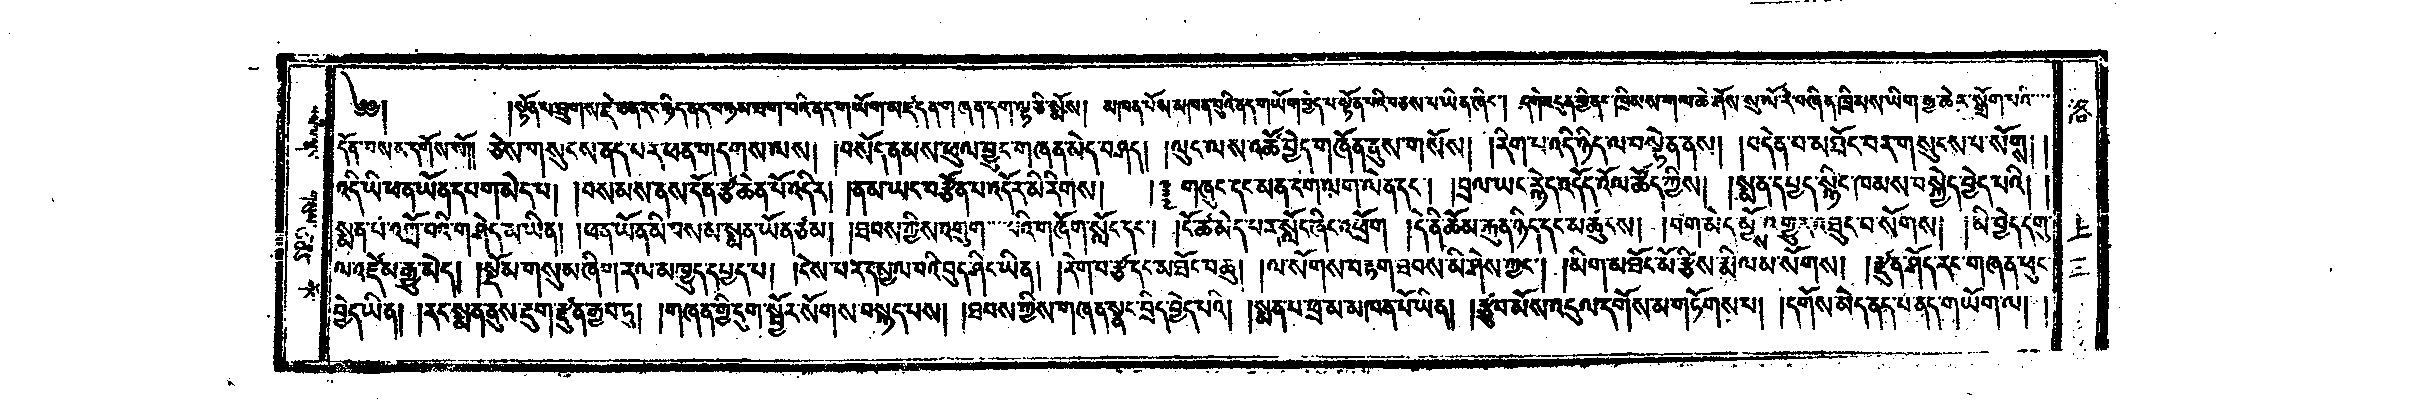༄༅། །སྟོན་པ་ཐུགས་རྗེ་ཅན་རང་ཉིད་ནད་པ་ཉམ་ཐག་པའི་ནད་གཡོག་མཛད་ན་གཞན་དག་ལྟ་ཅི་སྨོས། མཁན་པོས་མཁན་བུའི་ནད་གཡོག་བྱེད་པ་སྟོན་པའི་བཅས་པ་ཡིན་ཞིང་། དགེ་འདུན་གྱི་ནང་ཁྲིམས་གལ་ཆེ་ཤོས་སུ་ལོ་རེ་བཞིན་ཁྲིམས་ཡིག་རྒྱ་ཆེར་སྒྲོག་པའི་
དོན་བསམ་དགོས་སོ། །ཅེས་གསུངས་ནད་པར་ཕན་གདགས་ལས། །བསོད་ནམས་ཕུལ་བྱུང་གཞན་མེད་བཤད། །ལུང་ལས་འཚོ་བྱེད་གཞོན་ནུས་གསོས། །རིག་པ་འདི་ཉིད་ལ་བསྟེན་ནས། །བདེན་པ་མཐོང་བར་གསུངས་པ་སོགས། །
འདི་ཡི་ཕན་ཡོན་དཔག་མེད་པ། །བསམས་ནས་དོན་རྩ་ཆེན་པོ་འདིར། །ནམ་ཡང་བརྩོན་པ་འདོར་མི་རིགས། །༈ གཞུང་དང་མན་ངག་ལག་ལེན་དང་། །བྲལ་ཡང་རྙེད་འདོད་འོལ་ཚོད་ཀྱིས། །སྨན་དཔྱད་སྙིང་ཁམས་བསྐྱེད་བྱེད་པའི། །
སྨན་པ་འགྲོ་བའི་གཤེད་མ་ཡིན། །ཕན་ཡོན་མི་བསམ་སྨན་ཡོན་ཙམ། །ཐབས་ཀྱིས་འགུག་པའི་གཞོག་སློང་དང་། །ངོ་ཚ་མེད་པར་སློང་ཞིང་འཕྲོག །དེ་ནི་ཆོམ་རྐུན་ཉིད་དང་མཚུངས། །བག་མེད་མྱོས་འགྱུར་འཐུང་བ་སོགས། །མི་བྱེད་དགུ་
ལ་འཛེམ་རྒྱུ་མེད། །སྡོམ་གསུམ་ཞིག་རལ་མཁྱུད་དཔྱད་པ། །ངེས་པར་དམྱལ་བའི་བུད་ཤིང་ཡིན། །རེག་པ་རྩ་དང་མཐོང་བ་ཆུ། །ལ་སོགས་བརྟག་ཐབས་མི་ཤེས་ཀྱང་། །མིག་མཐོང་མོ་རྩིས་རྨི་ལམ་སོགས། །རྫུན་ཤོད་རང་གཞན་ཕུང་
བྱེད་ཡིན། །རང་སྨན་ནུས་རྡུག་རྫུན་རྒྱབ་ཏུ། །གཞན་གྱི་དུག་སྦྱོར་སོགས་བསྙད་པས། །ཐབས་ཀྱིས་གཞན་སྣང་བྲིད་བྱེད་པའི། །སྨན་པ་ཕྲ་མ་མཁན་པོ་ཡིན། །རྩུབ་མོས་འདུལ་དགོས་མ་གཏོགས་པ། །དགོས་མེད་ནད་པ་ནད་གཡོག་ལ། །